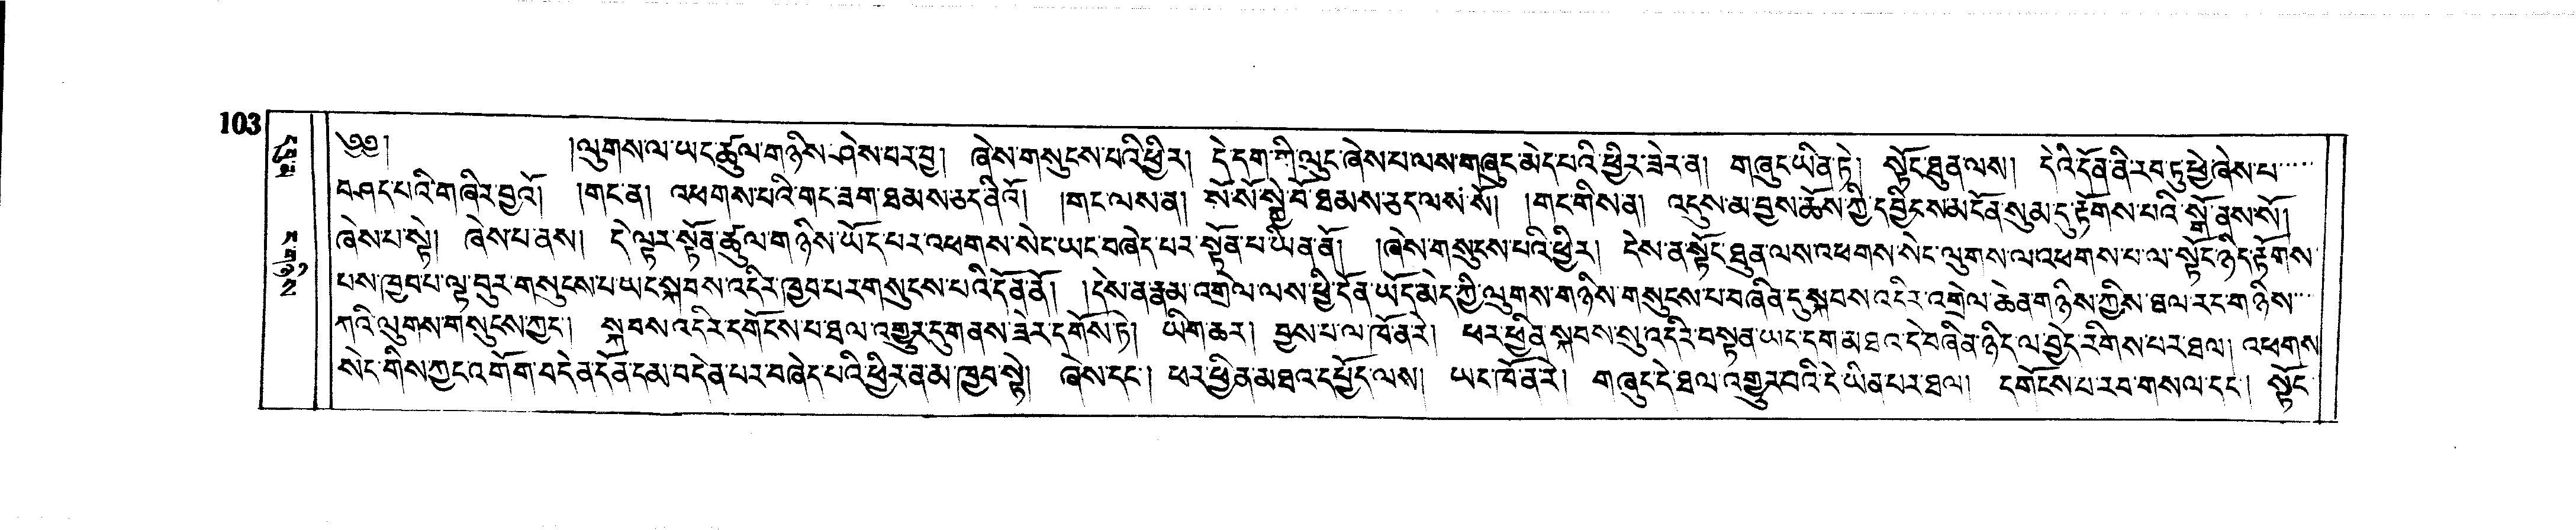༄༅། །ལུགས་ལ་ཡང་ཚུལ་གཉིས་ཤེས་པར་བྱ། ཞེས་གསུངས་པའི་ཕྱིར། དེ་དག་གི་ལུང་ཞེས་པ་ལས་གཞུང་མེད་པའི་ཕྱིར་ཟེར་ན། གཞུང་ཡིན་ཏེ། སྟོང་ཐུན་ལས། དེའི་དོན་ནི་རབ་ཏུ་ཕྱེ་ཞེས་པ་
བཤད་པའི་གཞིར་བྱའོ། །གང་ན། འཕགས་པའི་གང་ཟག་ཐམས་ཅད་ནིའོ། །གང་ལས་ན། སོ་སོ་སྐྱེ་བོ་ཐམས་ཅད་ལས་སོ། །གང་གིས་ན། འདུས་མ་བྱས་ཆོས་ཀྱི་དབྱིངས་མངོན་སུམ་དུ་རྟོགས་པའི་སྒོ་ནས་སོ།
ཞེས་པ་སྟེ། ཞེས་པ་ནས། དེ་ལྟར་སྟོན་ཚུལ་གཉིས་ཡོད་པར་འཕགས་སེང་ཡང་བཞེད་པར་སྟོན་པ་ཡིན་ནོ། །ཞེས་གསུངས་པའི་ཕྱིར། དེས་ན་སྟོང་ཐུན་ལས་འཕགས་སེང་ལུགས་ལ་འཕགས་པ་ལ་སྟོང་ཉིད་རྟོགས་
པས་ཁྱབ་པ་ལྟ་བུར་གསུངས་པ་ཡང་སྐབས་འདིར་ཁྱབ་པར་གསུངས་པའི་དོན་ནོ། །དེས་ན་རྣམ་འགྲེལ་ལས་ཕྱི་དོན་ཡོད་མེད་ཀྱི་ལུགས་གཉིས་གསུངས་པ་བཞིན་དུ་སྐབས་འདིར་འགྲེལ་ཆེན་གཉིས་ཀྱིས་ཐལ་རང་གཉིས་
ཀའི་ལུགས་གསུངས་ཀྱང་། སྐབས་འདིར་དགོངས་པ་ཐལ་འགྱུར་དུ་གནས་ཟེར་དགོས་ཏེ། ཡིག་ཆར། བྱས་པ་ལ་ཁོ་ན་རེ། ཕར་ཕྱིན་སྐབས་སུ་འདིར་བསྟན་ཡང་དག་མཐའ་དེ་བཞིན་ཉིད་ལ་བྱེད་རིགས་པར་ཐལ། འཕགས་
སེང་གིས་ཀྱང་འགོག་བདེན་དོན་དམ་བདེན་པར་བཞེད་པའི་ཕྱིར་ན་མ་ཁྱབ་སྟེ། ཞེས་དང་། ཕར་ཕྱིན་མཐའ་དཔྱོད་ལས། ཡང་ཁོ་ན་རེ། གཞུང་དེ་ཐལ་འགྱུར་བའི་དེ་ཡིན་པར་ཐལ། དགོངས་པ་རབ་གསལ་དང་། སྟོང་